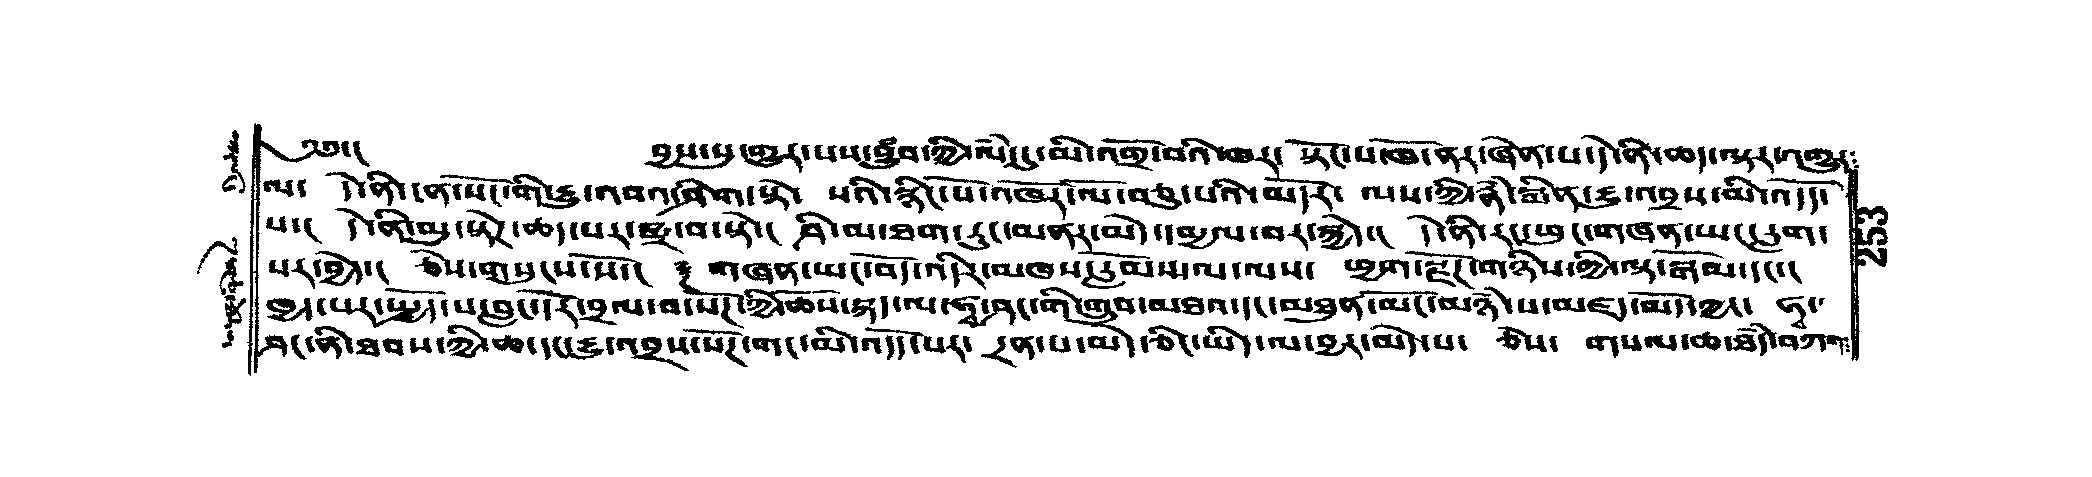བྱས་སུ་གྱུར་པས་བྱང་ཆུབ་ཀྱི་ལམ་དུ་མི་འགྲོ་བའི་ཁར། སྟོང་པ་ཁོ་ན་ཞེན་པ་དེ་ནི་ཆད་ལྟར་འགྱུར་
ལ། དེ་ནི་ངན་སོང་གི་རྒྱུ་འབའ་ཤིག་སྟེ། སའི་སྙིང་པོ་འཁོར་ལོ་བཅུ་པའི་མདོར། ལས་ཀྱི་རྣམ་སྨིན་རྒྱུ་འབྲས་མི་འདོད་
པ། །དེ་ནི་མུ་སྟེགས་ཆད་པར་སྨྲ་བ་སྟེ། །ཤི་མ་ཐག་ཏུ་མནར་མེད་དམྱལ་བར་སྐྱེ། །དེ་ནི་རང་ཕུང་གཞན་ཡང་རླག་
པར་བྱེད། ཅེས་གསུངས་སོ། ༈ གཞན་ཡང་བོད་འདིར་མཁས་རློམས་ལ་ལས། ཕྱག་རྫོགས་གཉིས་ཀྱི་ལྟ་སྒོམ་དང་། 
ཁྱད་པར་སྤྱོད་པ་བླང་དོར་བྲལ་བ་སོགས་ཀྱི་ཆོས་སྐད་ལ་ཧྭ་ཤང་གི་གྲུབ་མཐའ་དང་ཐུན་མོང་མཉམ་པ་མཛད་མོད་ཀྱང་། ཧྭ་
ཤང་ནི་ཐབས་ཀྱི་ཆ་དང་རྒྱུ་འབྲས་སོགས་གང་མི་འདོད་པར། དྲན་པ་མེད་ཅིང་ཡིད་ལ་བྱར་མེད་པ། ཅེས། གསལ་ཆ་ཐམས་ཅད་བཀག་